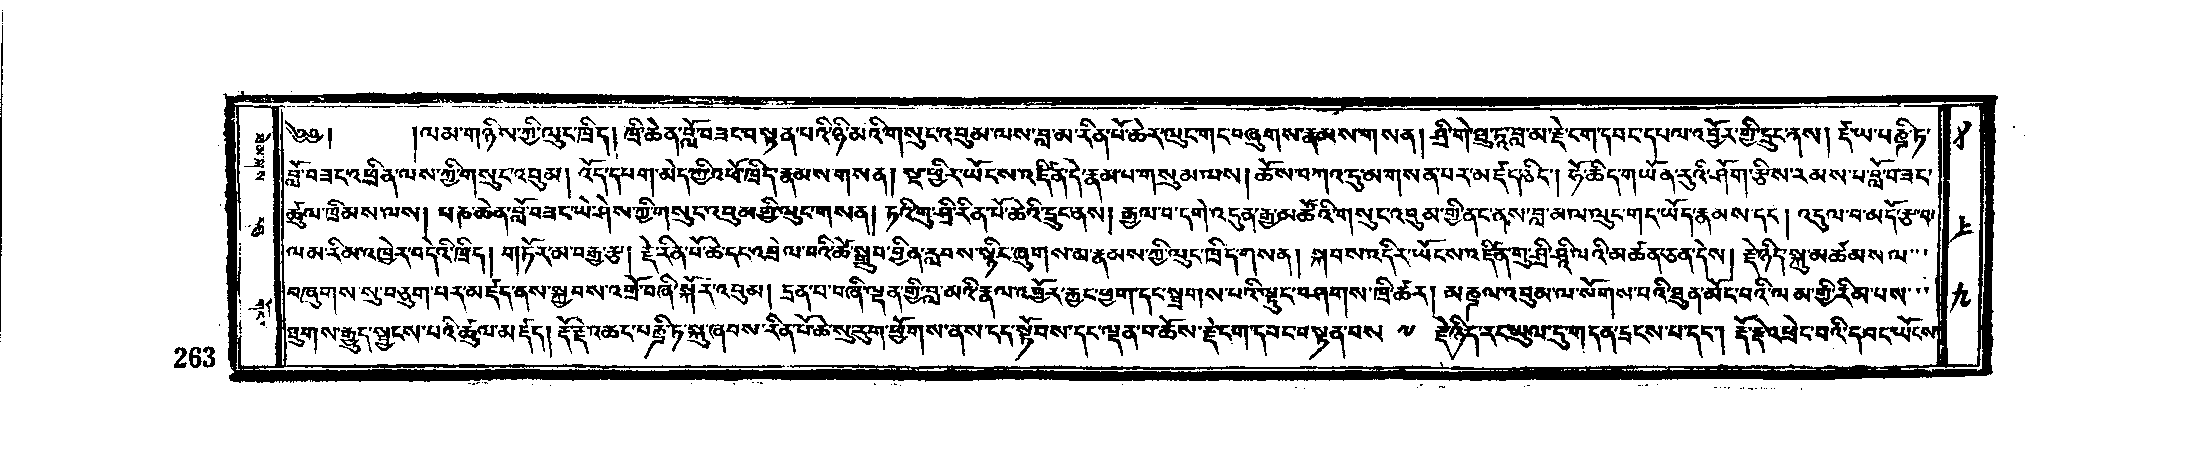༄༅། །ལམ་གཉིས་ཀྱི་ལུང་ཁྲིད། ཁྲི་ཆེན་བློ་བཟང་བསྟན་པའི་ཉི་མའི་གསུང་འབུམ་ལས་བླ་མ་རིན་པོ་ཆེར་ལུང་གང་བཞུགས་རྣམས་གསན། ཤྲི་གེ་ཐུ་ཏཱ་བླ་མ་རྗེ་ངག་དབང་དཔལ་འབྱོར་གྱི་དྲུང་ནས། ཛ་ཡ་པཎྜི་ཏ་
བློ་བཟང་འཕྲིན་ལས་ཀྱི་གསུང་འབུམ། འོད་དཔག་མེད་ཀྱི་འཕོ་ཁྲིད་རྣམས་གསན། སྔ་ཕྱིར་ཡོངས་འཛིན་དེ་རྣམ་པ་གསུམ་ལས། ཆོས་བཀའ་དུ་མ་གསན་པར་མཛད་ཅིང་། ཧོ་ཆིད་གཡོན་རུའི་ཤོག་རྩིས་རམས་པ་བློ་བཟང་
ཚུལ་ཁྲིམས་ལས། པཎ་ཆེན་བློ་བཟང་ཡེ་ཤེས་ཀྱི་གསུང་འབུམ་གྱི་ལུང་གསན། ཏའི་གུ་ཤྲི་རིན་པོ་ཆེའི་དྲུང་ནས། རྒྱལ་བ་དགེ་འདུན་རྒྱ་མཚོའི་གསུང་འབུམ་གྱི་ནང་ནས་བླ་མ་ལ་ལུང་གང་ཡོད་རྣམས་དང་། འདུལ་བ་མདོ་རྩ་བ།
ལམ་རིམ་འཁྱེར་བདེའི་ཁྲིད། གཏོར་མ་བརྒྱ་རྩ། རྗེ་རིན་པོ་ཆེ་དང་འབྲེལ་བའི་ཚེ་སྒྲུབ་བྱིན་རླབས་སྙིང་ཞུགས་མ་རྣམས་ཀྱི་ལུང་ཁྲིད་གསན། སྐབས་འདིར་ཡོངས་འཛིན་གུ་ཤྲི་ཤཱི་ལའི་མཚན་ཅན་དེས། རྗེ་ཉིད་སྐུ་མཚམས་ལ་
བཞུགས་སུ་བཅུག་པར་མཛད་ནས་སྐྱབས་འགྲོ་བཞི་སྐོར་འབུམ། དྲན་པ་བཞི་ལྡན་གྱི་བླ་མའི་རྣལ་འབྱོར་རྐྱང་ཕྱག་དང་སྦྲགས་པའི་ལྟུང་བཤགས་ཁྲི་ཚར། མཎྜལ་འབུམ་ལ་སོགས་པའི་ཐུན་མོང་བའི་ལམ་གྱི་རིམ་པས་
ཐུགས་རྒྱུད་སྦྱངས་པའི་ཚུལ་མཛད། རྡོ་རྗེ་འཆང་པཎྜི་ཏ་སྐུ་ཞབས་རིན་པོ་ཆེ་སུ་རུག་ཕྱོགས་ནས་ངང་སྟོབས་དང་ལྡན་པ་ཆོས་རྗེ་ངག་དབང་བསྟན་པས ༧་རྗེ་ཉིད་རང་ཡུལ་དུ་གདན་དྲངས་པ་དང་། རྡོ་རྗེ་འཕྲེང་བའི་དབང་ཡོངས་